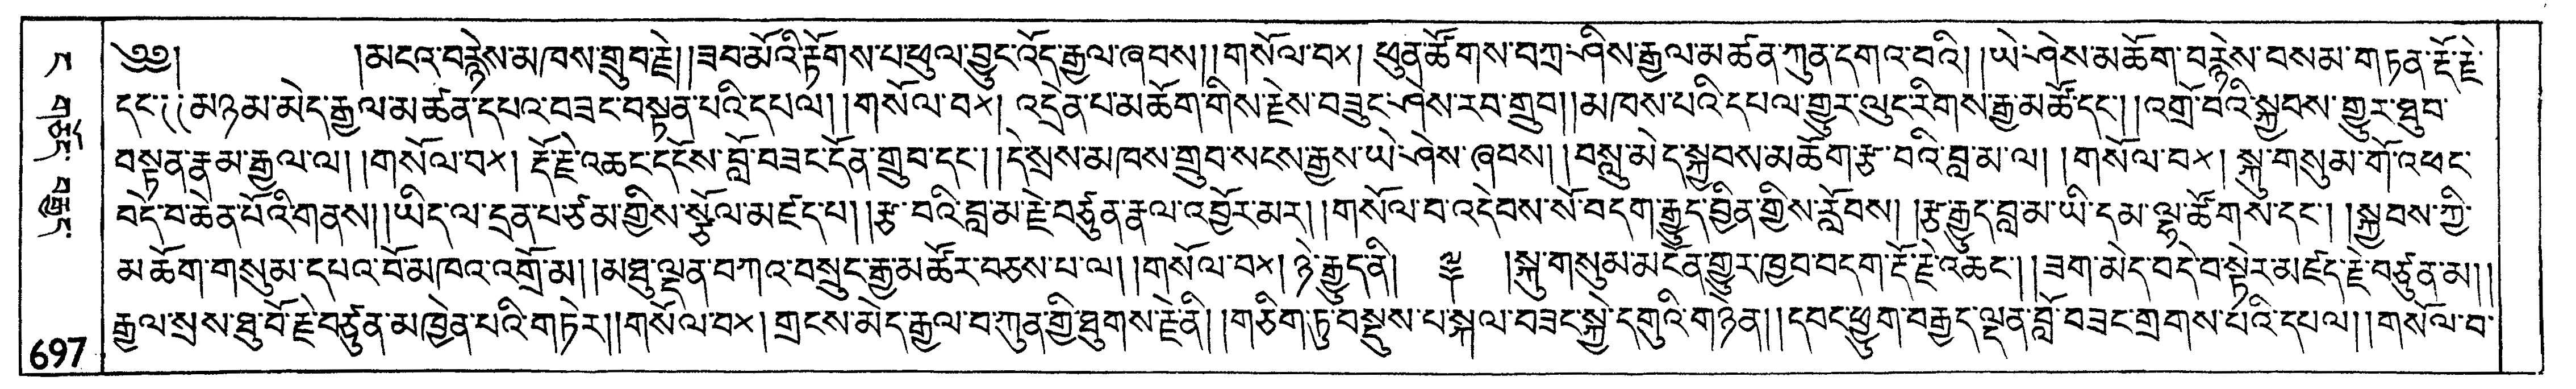༄༅། །མངའ་བརྙེས་མཁས་གྲུབ་རྗེ། །ཟབ་མོའི་རྟོགས་པ་ཕུལ་བྱུང་འོད་རྒྱལ་ཞབས། །གསོལ་བ་྾། ཕུན་ཚོགས་བཀྲ་ཤིས་རྒྱལ་མཚན་ཀུན་དགའ་བའི། །ཡེ་ཤེས་མཆོག་བརྙེས་བསམ་གཏན་རྡོ་རྗེ་
དང༑ ༑མཉམ་མེད་རྒྱལ་མཚན་དཔའ་བཟང་བསྟན་པའི་དཔལ། །གསོལ་བ་྾། འདྲེན་པ་མཆོག་གིས་རྗེས་བཟུང་ཤེས་རབ་གྲུབ། །མཁས་པའི་དཔལ་གྱུར་ལུང་རིགས་རྒྱ་མཚོ་དང་། །འགྲོ་བའི་སྐྱབས་གྱུར་ཐུབ་
བསྟན་རྣམ་རྒྱལ་ལ། །གསོལ་བ་྾། རྡོ་རྗེ་འཆང་དངོས་བློ་བཟང་དོན་གྲུབ་དང་། །དེ་སྲས་མཁས་གྲུབ་སངས་རྒྱས་ཡེ་ཤེས་ཞབས། །བསླུ་མེད་སྐྱབས་མཆོག་རྩ་བའི་བླ་མ་ལ། །གསོལ་བ་྾། སྐུ་གསུམ་གོ་འཕང་
བདེ་བ་ཆེན་པོའི་གནས། །ཡིད་ལ་དྲན་པ་ཙམ་གྱིས་སྩོལ་མཛད་པ། །རྩ་བའི་བླ་མ་རྗེ་བཙུན་རྣལ་འབྱོར་མར། །གསོལ་བ་འདེབས་སོ་བདག་རྒྱུད་བྱིན་གྱིས་རློབས། །རྩ་རྒྱུད་བླ་མ་ཡི་དམ་ལྷ་ཚོགས་དང་། །སྐྱབས་ཀྱི་
མཆོག་གསུམ་དཔའ་བོ་མཁའ་འགྲོ་མ། །མཐུ་ལྡན་བཀའ་བསྲུང་རྒྱ་མཚོར་བཅས་པ་ལ། །གསོལ་བ་྾། ཉེ་རྒྱུད་ནི། ༈ །སྐུ་གསུམ་མངོན་གྱུར་ཁྱབ་བདག་རྡོ་རྗེ་འཆང་། །ཟག་མེད་བདེ་བ་སྟེར་མཛད་རྗེ་བཙུན་མ།།
རྒྱལ་སྲས་ཐུ་བོ་རྗེ་བཙུན་མཁྱེན་པའི་གཏེར། །གསོལ་བ་྾། གྲངས་མེད་རྒྱལ་བ་ཀུན་གྱི་ཐུགས་རྗེ་ནི། །གཅིག་ཏུ་བསྡུས་པ་སྐལ་བཟང་སྐྱེ་དགུའི་གཉེན། །དབང་ཕྱུག་བརྒྱད་ལྡན་བློ་བཟང་གྲགས་པའི་དཔལ། །གསོལ་བ་